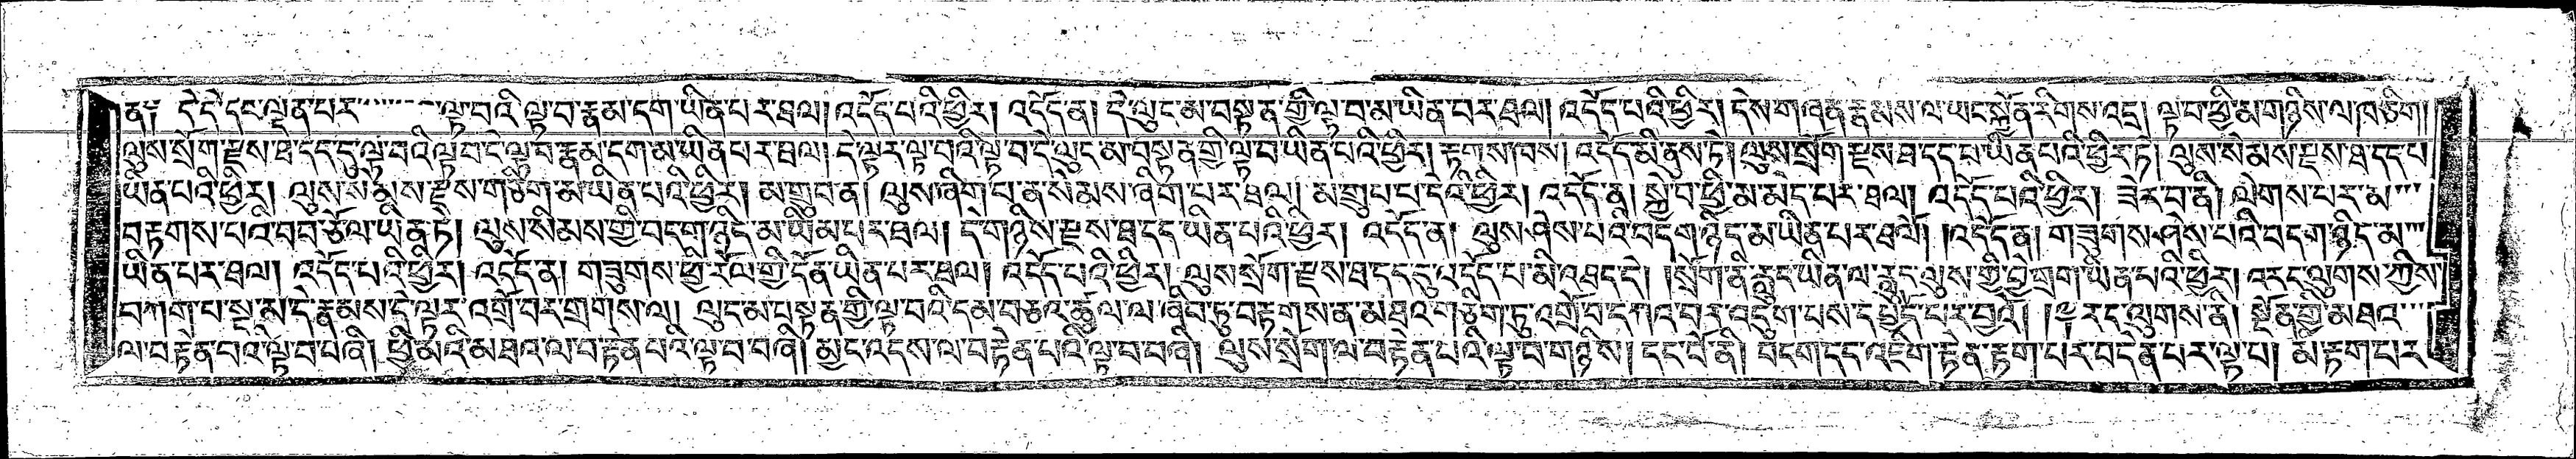ན༑ དེ་དེ་དང་ལྡན་པར་ལྟ་བའི་ལྟ་བ་རྣམ་དག་ཡིན་པར་ཐལ། འདོད་པའི་ཕྱིར། འདོད་ན། དེ་ལུང་མ་བསྟན་གྱི་ལྟ་བ་མ་ཡིན་པར་ཐལ། འདོད་པའི་ཕྱིར། དེས་གཞན་རྣམས་ལ་ཡང་སྐྱོན་རིགས་འདྲ། ལྟ་བ་ཕྱི་མ་གཉིས་ལ་ཁ་ཅིག།
ལུས་སྲོག་རྫས་ཐ་དད་དུ་ལྟ་བའི་ལྟ་བ་དེ་ལྟ་བ་རྣམ་དག་མ་ཡིན་པར་ཐལ། དེ་ལྟར་ལྟ་བའི་ལྟ་བ་དེ་ལུང་མ་བསྟན་གྱི་ལྟ་བ་ཡིན་པའི་ཕྱིར། རྟགས་ཁས། འདོད་མི་ནུས་ཏེ། ལུས་སྲོག་རྫས་ཐ་དད་པ་ཡིན་པའི་ཕྱིར་ཏེ། ལུས་སེམས་རྫས་ཐ་དད་པ་
ཡིན་པའི་ཕྱིར། ལུས་སེམས་རྫས་གཅིག་མ་ཡིན་པའི་ཕྱིར། མ་གྲུབ་ན། ལུས་ཞིག་པ་ན་སེམས་ཞིག་པར་ཐལ། མ་གྲུབ་པ་དེའི་ཕྱིར། འདོད་ན། སྐྱེ་བ་ཕྱི་མ་མེད་པར་ཐལ། འདོད་པའི་ཕྱིར། ཟེར་བ་ནི། ལེགས་པར་མ་
བརྟགས་པའི་བབ་ཅོ་ལ་ཡིན་ཏེ། ལུས་སེམས་ཀྱི་བདག་ཉིད་མ་ཡིན་པར་ཐལ། དེ་གཉིས་རྫས་ཐ་དད་ཡིན་པའི་ཕྱིར། འདོད་ན། ལུས་ཤེས་པའི་བདག་ཉིད་མ་ཡིན་པར་ཐལ་ལོ། །འདོད་ན། གཟུགས་ཤེས་པའི་བདག་ཉིད་མ་
ཡིན་པར་ཐལ། འདོད་པའི་ཕྱིར། འདོད་ན། གཟུགས་ཕྱི་རོལ་གྱི་དོན་ཡིན་པར་ཐལ། འདོད་པའི་ཕྱིར། ལུས་སྲོག་རྫས་ཐ་དད་དུ་འདོད་པ་མི་འཐད་དེ། །སྲོག་ནི་རླུང་ཡིན་ལ་རླུང་ལུས་གྱི་བྱེ་བྲག་ཡིན་པའི་ཕྱིར། རང་ལུགས་ཀྱིས་
བཀག་པ་སྔ་མ་དེ་རྣམས་དེ་ལྟར་འགྲོ་བར་གྲགས་ལ། ལུང་མ་བསྟན་གྱི་ལྟ་བའི་དམ་བཅའ་ཚུལ་ལ་ཞིབ་ཏུ་བརྟགས་ན་མཐའ་གཅིག་ཏུ་འགྲོ་བ་དཀའ་བར་འདུག་པས་དཔྱོད་པར་བྱའོ། ། ༈རང་ལུགས་ནི། སྔོན་གྱི་མཐའ་
ལ་བརྟེན་པའི་ལྟ་བ་བཞི། ཕྱི་མའི་མཐའ་ལ་བརྟེན་པའི་ལྟ་བ་བཞི། མྱང་འདས་ལ་བརྟེན་པའི་ལྟ་བ་བཞི། ལུས་སྲོག་ལ་བརྟེན་པའི་ལྟ་བ་གཉིས། དང་པོ་ནི། བདག་དང་འཇིག་རྟེན་རྟག་པར་བདེན་པར་ལྟ་བ། མི་རྟག་པར་